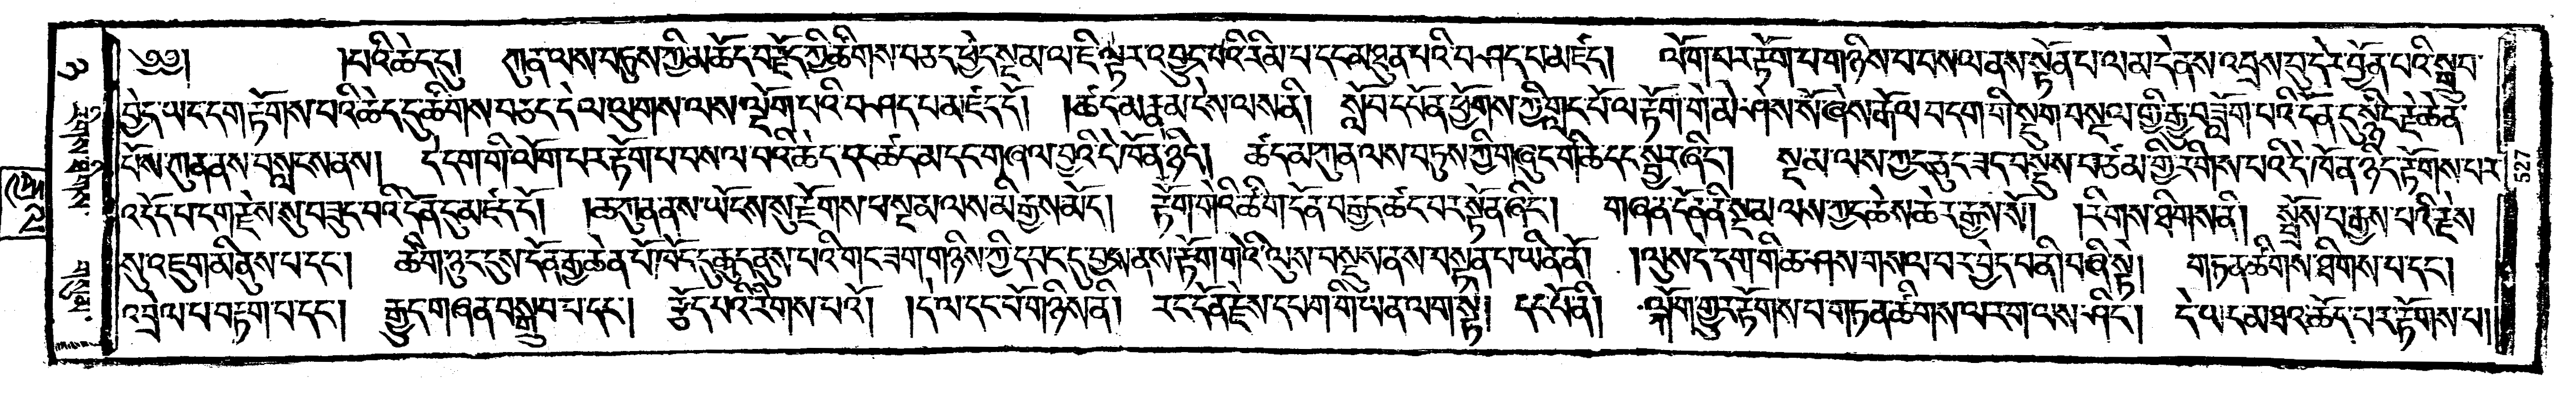༄༅། །པའི་ཆེད་དུ། ཀུན་ལས་བཏུས་ཀྱི་མཆོད་བརྗོད་ཀྱི་ཚིགས་བཅད་ཕྱེད་སྔ་མ་ལ་ཇི་ལྟར་འབྱུང་བའི་རིམ་པ་དང་མཐུན་པའི་བཤད་པ་མཛད། ལོག་པར་རྟོག་པ་གཉིས་པ་བསལ་ནས་སྟོན་པ་ལམ་དེ་ནས་འབྲས་བུ་དེར་བྱོན་པའི་སྒྲུབ་
བྱེད་ཡང་དག་རྟོགས་པའི་ཆེད་དུ་ཚིགས་བཅད་དེ་ལ་ལུགས་ལས་ལྡོག་པའི་བཤད་པ་མཛད་དོ། །ཚད་མ་རྣམ་ངེས་ལས་ནི། སློབ་དཔོན་ཕྱོགས་ཀྱི་གླང་པོ་ལ་རྟོག་གེ་མེ་ཤེས་སོ་ཞེས་རྒོལ་བདག་གི་སྡུག་བསྔལ་གྱི་རྒྱུ་བཟློག་པའི་དོན་དུ་སྙིང་རྗེ་ཆེན་
པོས་ཀུན་ནས་བསླངས་ནས། དེ་དག་གི་ལོག་པར་རྟོག་པ་བསལ་བའི་ཆེད་དང་ཚད་མ་དང་གཞལ་བྱའི་དེ་ཁོ་ན་ཉིད། ཚད་མ་ཀུན་ལས་བཏུས་ཀྱི་གཞུང་གི་ཆ་དང་སྦྱར་ཞིང་། སྔ་མ་ལས་ཀྱང་ཅུང་ཟད་བསྡུས་བ་ཙམ་གྱི་རིགས་པའི་དེ་ཁོ་ན་ཉིད་རྟོགས་པར་
འདོད་པ་དག་རྗེས་སུ་བཟུང་བའི་དོན་དུ་མཛད་དོ། །ཆ་ཀུན་ནས་ཡོངས་སུ་རྫོགས་པ་སྔ་མ་ལས་མི་རྒྱས་མོད། རྟོག་གེའི་ཚིག་དོན་བརྒྱད་ཚང་བར་སྟོན་ཞིང་། གཞན་དོན་ནི་སྔ་མ་ལས་ཀྱང་ཆེས་ཆེར་རྒྱས་སོ། །རིགས་ཐིགས་ནི། སྦྲོས་པ་རྒྱས་པའི་རྗེས་
སུ་འཇུག་མི་ནུས་པ་དང་། ཚིག་ཉུང་དུས་དོན་རྒྱ་ཆེན་པོ་ཁོང་དུ་ཆུད་ནུས་པའི་གང་ཟག་གཉིས་ཀྱི་དབང་དུ་བྱས་ནས་རྟོག་གེའི་ལུས་བསྡུས་ནས་བསྟན་པ་ཡིན་ནོ། །ལུས་དེ་དག་གི་ཆ་ཤས་གསལ་བར་བྱེད་པ་ནི། བཞི་སྟེ། གཏན་ཚིགས་ཐིགས་པ་དང་།
འབྲེལ་པ་བརྟག་པ་དང་། རྒྱུད་གཞན་བསྒྲུབ་པ་དང་། རྩོད་པའི་རིགས་པའོ། །དེ་ལ་དང་པོ་གཉིས་ནི། རང་དོན་རྗེས་དཔག་གི་ཡན་ལག་སྟེ། དང་པོ་ནི། ལྐོག་གྱུར་རྟོགས་པ་གཏན་ཚིགས་ལ་རག་ལས་ཤིང་། དེ་ཡང་མཐའ་ཆོད་པར་རྟོགས་པ།